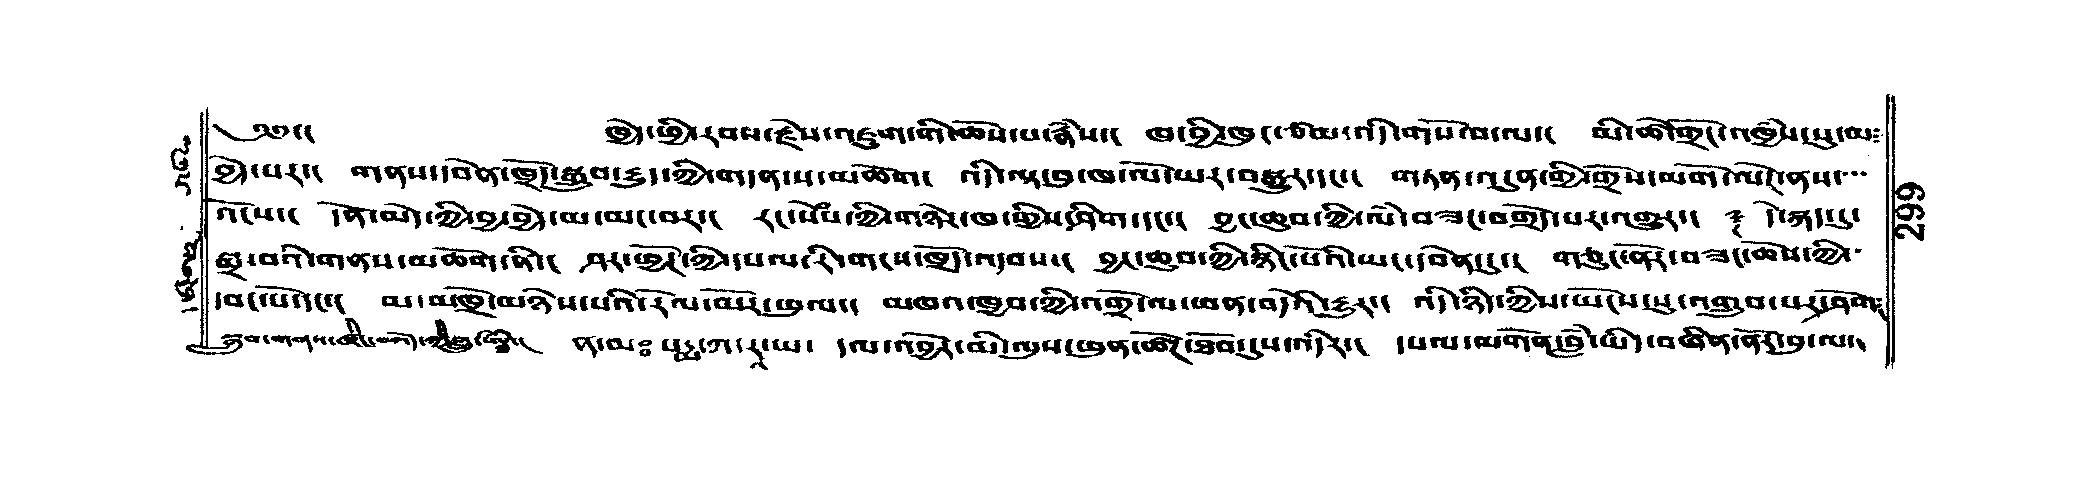།ཁྱེད་ཕྱི་རབས་རྗེས་འཇུག་གི་ཆོས་པ་རྣམས། །ཁ་བྱི་ཁུང་ཙམ་འདི་གསོ་བ་ལ། །མི་ཚེ་གྲོང་འཁྱམས་སུ་མ་
བྱེད་པར། །གནས་དབེན་ཁྲོད་སྒྲུབ་རྒྱུད་ཀྱི་གདན་ས་མཆོག །འདི་ལྟ་བུར་ཁ་ལོ་ཡར་བསྒྱུར་དང་། །གཏན་འདུན་གྱི་གྲོས་འགོ་ལེགས་ནས་
འོང་། །དོན་མེད་ཀྱི་བྱ་བྱེད་མ་མང་བར། །རང་སེམས་ཀྱི་གཉེར་ཁ་གྱིས་ཤིག་དང་། །བྱང་ཆུབ་ཀྱི་ལམ་བཟང་བགྲོད་པར་འགྱུར། །དེ་སྐད་དུ་
སྨྲ་བའི་གནས་མཆོག་ནི། །ཤར་ཕྱོགས་ཀྱི་དཔལ་རི་གངས་ཁྲོད་འདབས། །བྱང་ཆུབ་ཀྱི་སྙིང་པོའི་ཡང་དབེན་དུ། །གཅུང་ནོར་བཟང་ཆོས་ཀྱི་
དབང་པོ་དང་། །མ་མཁའ་འགྲོ་མཉེས་པའི་རོལ་མོར་ཕུལ། །མཁའ་ཁྱབ་ཀྱི་འགྲོ་ལ་ཕན་བདེའི་རྒྱུར། །འདི་ཉིད་ཀྱིས་ཡོངས་སུ་འགྲུབ་པར་ཤོག། 
སྒྲུབ་གནས་ཞིང་བཀོད་ཀྱི་གླུ་།། ན་མོ་པདྨ་ཀ་རཱ་ཡ། དལ་འབྱོར་མི་ལུས་ཕུན་ཚོགས་ཐོབ་དུས་འདིར། །དཔལ་མགོན་བླ་མ་ཡིད་བཞིན་ནོར་བུ་ལ།